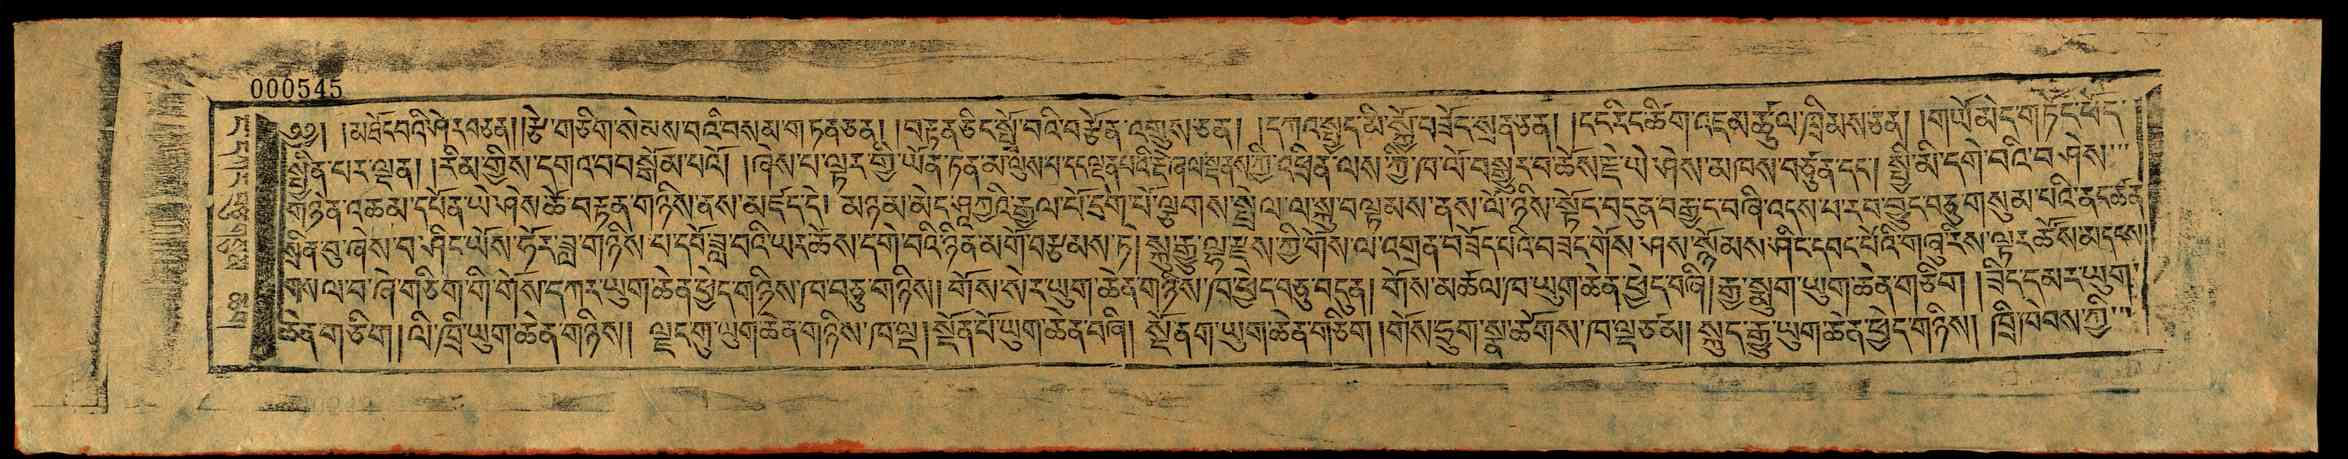༄༅། །མཐོང་བའི་ཤེས་རབ་ཅན་།རྩེ་གཅིག་སེམས་པའི་བསམ་གཏན་ཅན། །བརྟན་ཅིང་སྤྲོ་བའི་བརྩོན་འགྲུས་ཅན། །དཀའ་སྤྱད་མི་སྐྱོ་བཟོད་སྲང་ཅན། །དད་རིང་ཚིག་འཇམ་ཚུལ་ཁྲིམས་ཅན། །གཡོ་མེད་གཏོང་ཕོད་
སྦྱིན་པར་ལྡན། །རིམ་གྱིས་དགའ་བ་བསྒོམ་པའོ། །ཞེས་པ་ལྟར་ཀྱི་ཡོན་ཏན་མ་ལུས་པ་དང་ལྡན་པའི་རྡོ་ཞལ་སྔ་ནས་ཀྱི་འཕྲིན་ལས་ཀྱི་ཁ་ལོ་བསྒྱུར་བ་ཆོས་རྗེ་ཡེ་ཤེས་མཁས་བཙུན་དང་། སྤྱི་མི་དགེ་བའི་བཤེས་
གཉེན་འཆམ་དཔོན་ཡེ་ཤེས་ཚེ་བརྟན་གཉིས་ནས་མཛད་དེ། མཉམ་མེད་ཤཱཀྱའི་རྒྱལ་པོ་དྲག་པོ་ལྕགས་སྤྲེལ་ལ་སྐུ་བལྟམས་ནས་ལོ་ཉིས་སྟོང་བདུན་བརྒྱ་ང་བཞི་འདས་པ་རབ་བྱུང་བཅུ་གསུམ་པའི་ནང་ཚན་
སྲིན་བུ་ཞེས་པ་ཤིང་ཡོས་ཧོར་ཟླ་གཉིས་པ་དབོ་ཟླ་བའི་ཡར་ཚེས་དགེ་བའི་ཉིན་མགོ་བརྩམས་ཏེ། སྐུ་རྒྱུ་ལྷ་རྫས་ཀྱི་གོས་ལ་འགྲན་བཟོད་པའི་བཟང་གོས་ཤས་སྙོམས་ཤིང་དབང་པོའི་གཞུ་རིས་ལྟར་ཚོས་མདངས་
གསལ་བ་ཞེ་གཅིག་གི་གོས་དཀར་ཡུག་ཆེན་ཕྱེད་གཉིས་ཁ་བཅུ་གཉིས། གོས་སེར་ཡུག་ཆེན་གཉིས་ཁ་ཕྱེད་བཅུ་བདུན། གོས་མཚལ་ཁ་ཡུག་ཆེན་ཕྱེད་བཞི། རྒྱ་སྨུག་ཡུག་ཆེན་གཅིག །ཟིང་དམར་ཡུག་
ཆེན་གཅིག །ལི་ཁྲི་ཡུག་ཆེན་གཉིས། ལྗང་གུ་ཡུག་ཆེན་གཉིས་ཁ་ལྔ། སྔོན་པོ་ཡུག་ཆེན་བཞི། སྔོ་ནག་ཡུལ་ཆེན་གཅིག །གོས་ཧྲུག་སྣ་ཚོགས་ཁ་ལྔ་ཙམ། སྐུད་རྒྱུ་ཡུག་ཆེན་ཕྱེད་གཉིས། ཁྲི་ཁེབས་ཀྱི་